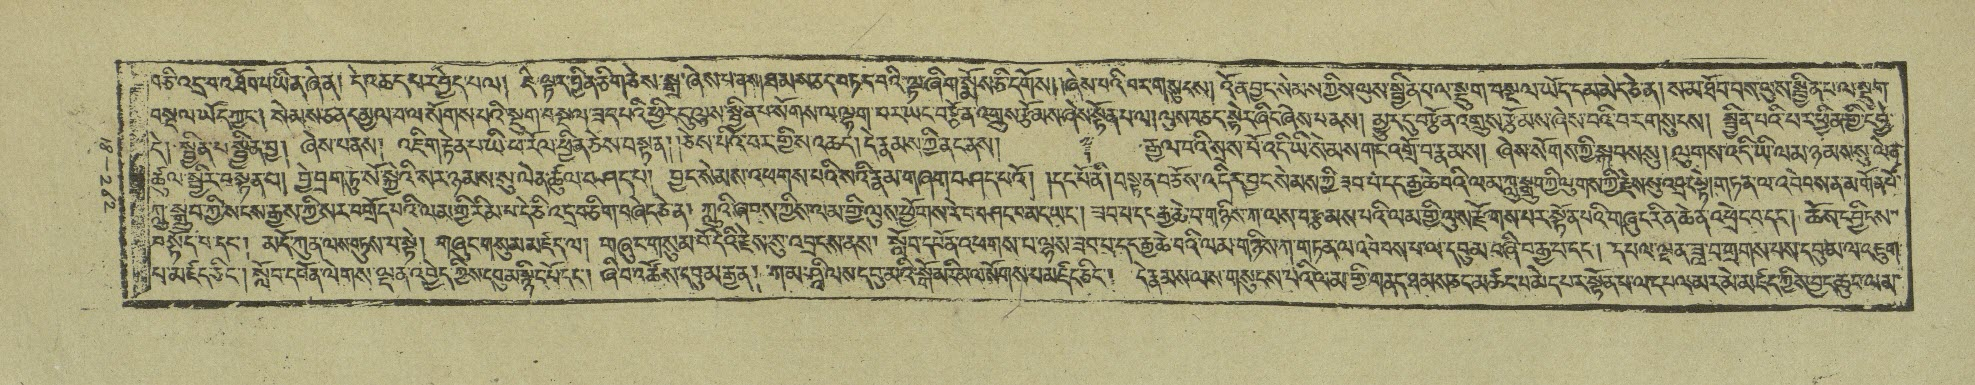བ་ཅི་འདྲ་བ་འཐོབ་པ་ཡིན་ཞེ་ན། དེ་འཆད་པར་བྱེད་པ་ལ། ཇི་ལྟར་བྱིན་ཅིག་ཅེས་སྒྲ་ཞེས་པ་ནས། ཐམས་ཅད་བཏང་བ་ལ་ལྟ་ཞིག་སྨོས་ཅི་དགོས། །ཞེས་པའི་བར་གསུངས། འོ་ན་བྱང་སེམས་ཀྱིས་ལུས་སྦྱིན་པ་ལ་སྡུག་བསྔལ་ཡོད་དམ་མེད་ཅེ་ན། ས་མ་ཐོབ་པས་ལུས་སྦྱིན་པ་ལ་སྡུག་
བསྔལ་ཡོད་ཀྱང་། སེམས་ཅན་དམྱལ་བ་ལ་སོགས་པའི་སྡུག་བསྔལ་ཟད་པའི་ཕྱིར་དུ་ལུས་སྦྱིན་པ་སོགས་ལ་ལྷག་པར་ཡང་བརྩོན་འགྲུས་རྩོམས་ཞེས་སྟོན་པ་ལ། ལུས་བཅད་སྟེར་ཞིང་ཞེས་པ་ནས། མྱུར་དུ་བརྩོན་འགྲུས་རྩོམས་ཞེས་པའི་བར་གསུངས། སྦྱིན་པའི་ཕར་ཕྱིན་གྱི་དབྱེ་བ་
དེ༑ སྦྱིན་པ་སྦྱིན་བྱ། ཞེས་པ་ནས། འཇིག་རྟེན་པ་ཡི་ཕ་རོལ་ཕྱིན་ཅེས་བསྟན། །ཅེས་པའི་བར་གྱི་འཆད། དེ་རྣམས་ཀྱི་ནང་ནས། ༈ རྒྱལ་བའི་སྲས་པོ་འདི་ཡི་སེམས་གང་འགྲོ་བ་རྣམས། ཞེས་སོགས་ཀྱི་སྐབས་སུ། ལུགས་འདི་ཡི་ལམ་ཉམས་སུ་ལེན་
ཚུལ་སྤྱིར་བསྟན་པ། བྱེ་བྲག་ཏུ་སོ་སྐྱེའི་སར་ཉམས་སུ་ལེན་ཚུལ་བཤད་པ། བྱང་སེམས་འཕགས་པའི་སའི་རྣམ་གཞག་བཤད་པའོ། །དང་པོ་ནི། བསྟན་བཅོས་འདིར་བྱང་སེམས་ཀྱི་ཟབ་པ་དང་རྒྱ་ཆེ་བའི་ལམ་ཀླུ་སྒྲུབ་ཀྱི་ལུགས་ཀྱི་རྗེས་སུ་འབྲང་སྟེ། གཏན་ལ་འབེབས་ན་མགོན་པོ་
ཀླུ་སྒྲུབ་ཀྱི་སངས་རྒྱས་ཀྱི་སར་བགྲོད་པའི་ལམ་གྱི་རིམ་པ་དེ་ཅི་འདྲ་བ་ཅིག་བཞེད་ཅེ་ན། ཀླུའི་ཞབས་ཀྱིས་ལམ་གྱི་ལུས་ཕྱོགས་རེ་བ་བཤད་པ་མང་ཡང་། ཟབ་པ་དང་རྒྱ་ཆེ་བ་གཉིས་ཀ་ལས་བརྩམས་པའི་ལམ་གྱི་ལུས་རྫོགས་པར་སྟོན་པའི་གཞུང་རིན་ཆེན་འཕྲེང་བ་དང་། ཆོས་དབྱིངས་
བསྟོད་པ་དང་། མདོ་ཀུན་ལས་བཏུས་པ་སྟེ། གཞུང་གསུམ་མཛད་ལ། གཞུང་གསུམ་པོ་དེའི་རྗེས་སུ་འབྲངས་ནས། སློབ་དཔོན་འཕགས་པ་ལྷས་ཟབ་པ་དང་རྒྱ་ཆེ་བའི་ལམ་གཉིས་ཀ་གཏན་ལ་འབེབས་པ་ལ་དབུ་མ་བཞི་བརྒྱ་བ་དང་། དཔལ་ལྡན་ཟླ་བ་གྲགས་པས་དབུ་མ་ལ་འཇུག་
པ་མཛད་ཅིང་། སློབ་དཔོན་ལེགས་ལྡན་འབྱེད་ཀྱིས་དབུ་མ་སྙིང་པོ་དང་། ཞི་བ་ཚོས་དབུ་མ་རྒྱན། ཀ་མ་ཤཱི་ལས་དབུ་མའི་སྒོམ་རིམ་ལ་སོགས་བ་མཛད་ཅིང་། དེ་རྣམས་ལས་གསུངས་པའི་ལམ་གྱི་གནད་ཐམས་ཅད་མ་ཚང་པ་མེད་པར་སྟོན་པ་ལ་དཔལ་མར་མེད་མཛད་ཀྱིས་བྱང་ཆུབ་ལམ་